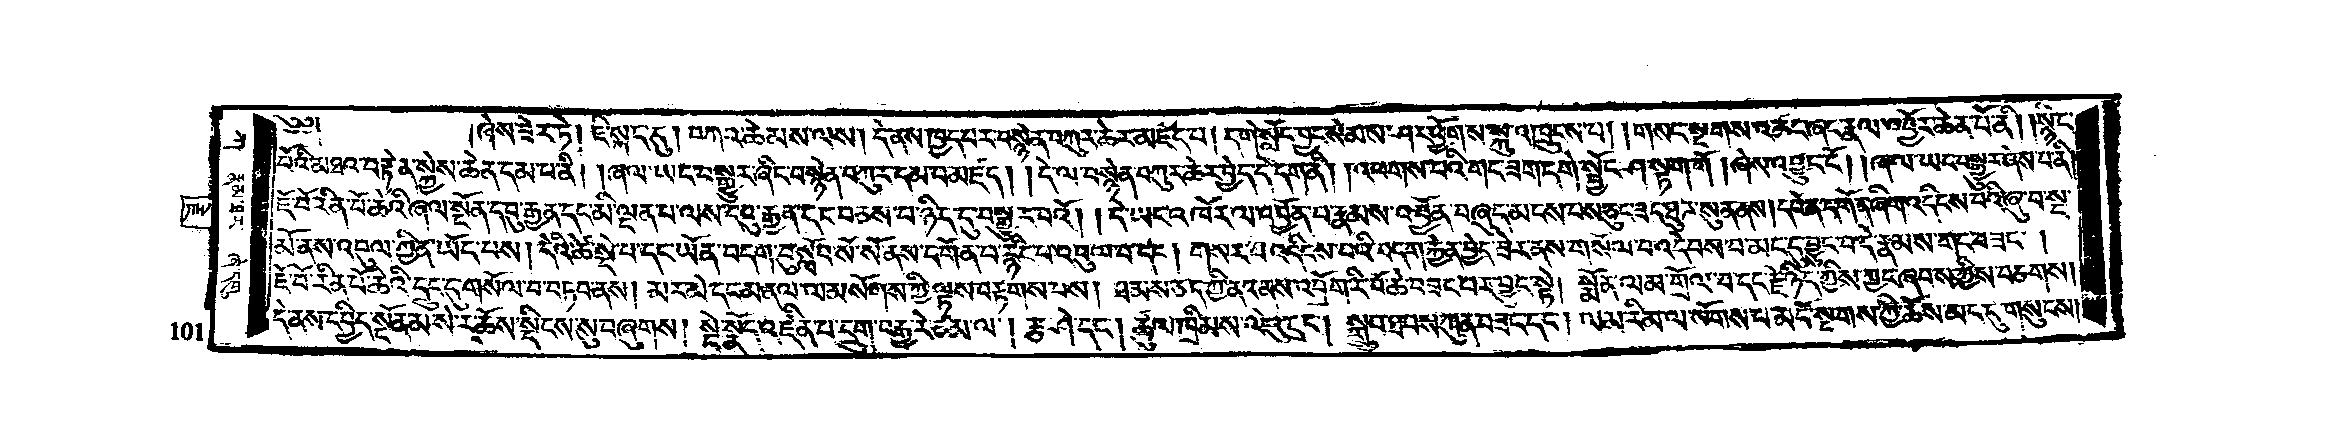༄༅། །ཞེས་ཟེར་ཏེ། ཇི་སྐད་དུ། བཀའ་ཆེམས་ལས། དེ་ནས་ཁྱད་པར་བསྙེན་བཀུར་ཆེར་མཛད་པ། དགེ་སློང་བྱང་སེམས་ཤར་ཕྱོགས་སྐུ་འཁྲུངས་པ། །གསང་སྔགས་འཚང་ཞང་རྣལ་འབྱོར་ཆེན་པོ་ནི། །སྙིང་
པོའི་མཐའ་བརྟེན་སྐྱེས་ཆེན་དམ་པ་ནི། །ཞལ་ཡང་བསྒྱུར་ཞིང་བསྙེན་བཀུར་དམ་པ་མཛད། །དེ་ལ་བསྙེན་བཀུར་ཆེར་བྱེད་དེ་དག་ནི། །འཕགས་པའི་གང་ཟག་དགེ་སྦྱོང་ཤ་སྟག་གོ །ཞེས་འབྱུང་ངོ། །ཞལ་ཡང་བསྒྱུར་ཞེས་པ་ནི།
ཇོ་བོ་རིན་པོ་ཆེའི་ཞལ་སྔོན་དབུ་རྒྱན་དང་མི་ལྡན་པ་ལས་དབུ་རྒྱན་དང་བཅས་པ་ཉིད་དུ་བསྒྱུར་བའོ། །དེ་ཡང་འཁོར་ལ་འབྱོན་པ་རྣམས་འབྱོན་བཞུད་མངས་པས་ཅུང་ཟད་ཐུཌ་སུན་ནས། དབེན་དགོན་ཞིག་འདིངས་པའི་ཞུ་བ་སྔ་
མོ་ནས་འབུལ་ཀྱིན་ཡོད་པས། དེའི་ཚེ་སྡེ་པ་དང་ཡོན་བདག་བུ་སློབ་སོ་སོ་ནས་དགོན་པ་རྙིང་པ་འབུལ་བ་དང་། གསར་པ་འདིངས་བའི་བདག་རྐྱེན་བྱེད་ཟེར་ནས་གསོལ་བ་འདེབས་པ་མང་དུ་བྱུང་བ་དེ་རྣམས་གང་བཟང་།
ཇོ་བོ་རིན་པོ་ཆེའི་དྲུང་དུ་གསོལ་བ་བཏབ་ནས། མར་མེ་དང་མནལ་ལམ་སོགས་ཀྱི་ལྟས་བརྟགས་པས། ཐམས་ཅད་ཀྱི་ནའ་ནས་འབྲོག་རི་བོ་ཆེ་བཟང་བར་བྱུང་སྟེ། སྨོན་ལམ་གྲོལ་བ་དང་རྗེ་ཉིད་ཀྱིས་ཀྱང་ཞབས་ཀྱིས་བཅགས།
དེ་ནས་དཔྱིད་སྔོན་མ་སེ་རྭ་ཆོས་སྡིངས་སུ་བཞུགས། སྡེ་སྣོད་འཛིན་པ་དྲུག་བརྒྱ་རེ་ཙམ་ལ། རྩ་ཤེ་དང་། ཚུལ་ཁྲིམས་ལེའུ་དྲང་། སྒྲུབ་ཐབས་ཀུན་བཟང་དང་། ལམ་རིམ་ལ་སོགས་པ་མདོ་སྔགས་ཀྱི་ཆོས་མང་དུ་གསུངས།